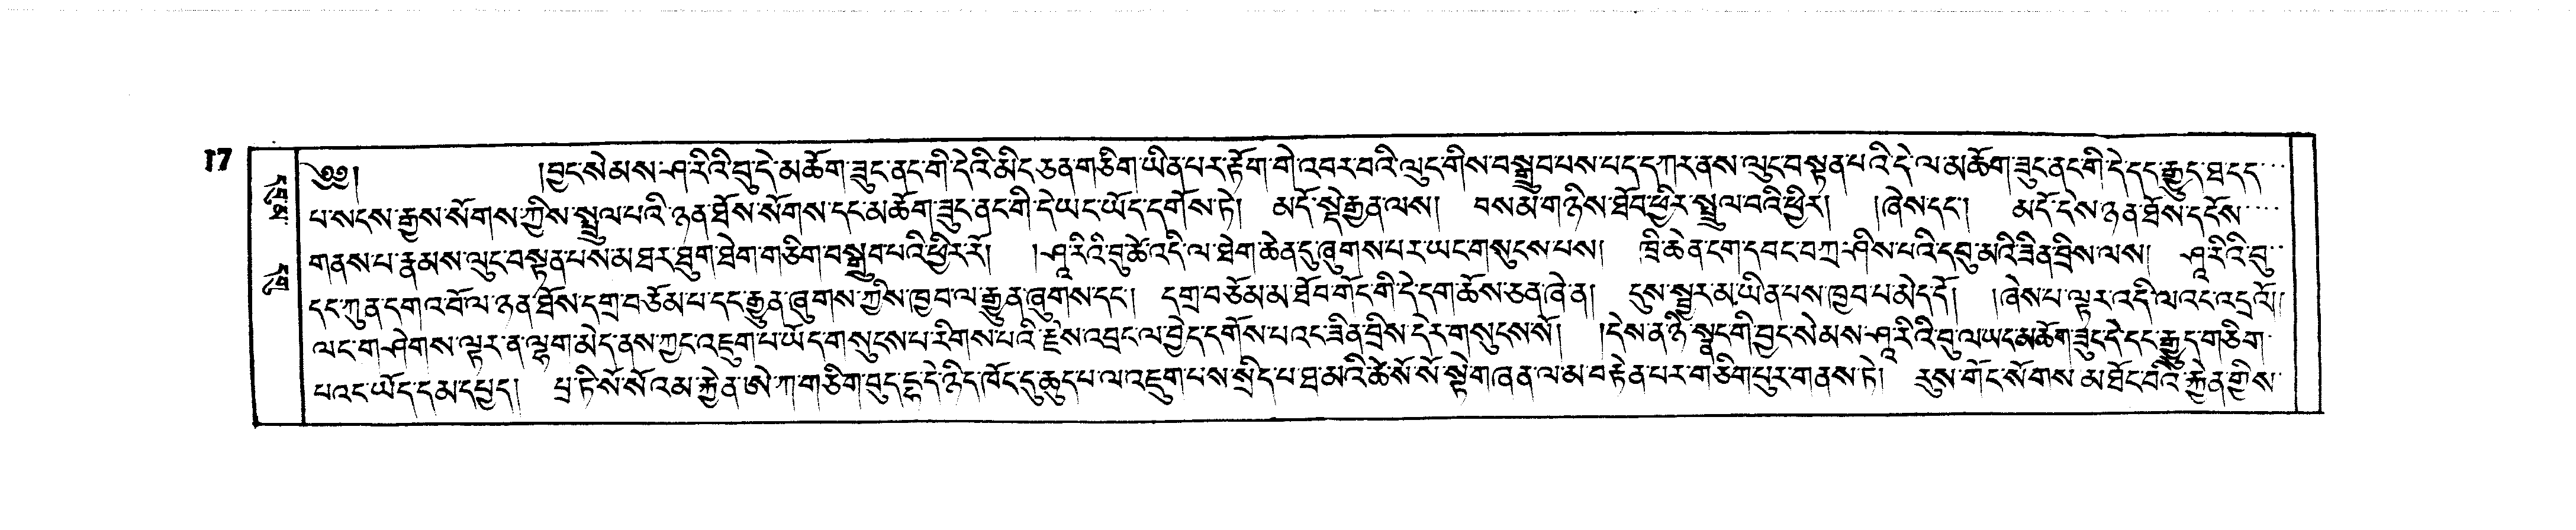༄༅། །བྱང་སེམས་ཤ་རིའི་བུ་དེ་མཆོག་ཟུང་ནང་གི་དེའི་མིང་ཅན་གཅིག་ཡིན་པར་རྟོག་གེ་འབར་བའི་ལུང་གིས་བསྒྲུབ་པས་པད་དཀར་ནས་ལུང་བསྟན་པའི་དེ་ལ་མཆོག་ཟུང་ནང་གི་དེ་དང་རྒྱུད་ཐ་དད་
པ་སངས་རྒྱས་སོགས་ཀྱིས་སྤྲུལ་པའི་ཉན་ཐོས་སོགས་དང་མཆོག་ཟུང་ནང་གི་དེ་ཡང་ཡོད་དགོས་ཏེ། མདོ་སྡེ་རྒྱན་ལས། བསམ་གཉིས་ཐོབ་ཕྱིར་སྤྲུལ་བའི་ཕྱིར། །ཞེས་དང་། མདོ་དེས་ཉན་ཐོས་དངོས་
གནས་པ་རྣམས་ལུང་བསྟན་པས་མཐར་ཐུག་ཐེག་གཅིག་བསྒྲུབ་པའི་ཕྱིར་རོ། །ཤཱ་རིའི་བུ་ཚེ་འདི་ལ་ཐེག་ཆེན་དུ་ཞུགས་པར་ཡང་གསུངས་པས། ཁྲི་ཆེན་ངག་དབང་བཀྲ་ཤིས་པའི་དབུ་མའི་ཟིན་བྲིས་ལས། ཤཱ་རིའི་བུ་
དང་ཀུན་དགའ་བོ་ལ་ཉན་ཐོས་དགྲ་བཅོམ་པ་དང་རྒྱུན་ཞུགས་ཀྱིས་ཁྱབ་ལ་རྒྱུན་ཞུགས་དང་། དགྲ་བཅོམ་མ་ཐོབ་གོང་གི་དེ་དག་ཆོས་ཅན་ཞེ་ན། དུས་སྦྱར་མ་ཡིན་པས་ཁྱབ་པ་མེད་དོ། །ཞེས་པ་ལྟར་འདི་ལའང་འདྲའོ།།
ལང་གཤེགས་ལྟར་ན་ལྷག་མེད་ནས་ཀྱང་འཇུག་པ་ཡོད་གསུངས་པ་རིགས་པའི་རྗེས་འབྲང་ལ་བྱེད་དགོས་པའང་ཟིན་བྲིས་དེར་གསུངས་སོ། །དེས་ན་ཉི་སྣང་གི་བྱང་སེམས་ཤཱ་རིའི་བུ་ལ་ཡང་མཆོག་ཟུང་དེ་དང་རྒྱུད་གཅིག་
པའང་ཡོད་དམ་དཔྱད། པྲ་ཏི་སོ་སོའམ་རྐྱེན་ཨེ་ཀ་གཅིག་བུད་དྷ་དེ་ཉིད་ཁོང་དུ་ཆུད་པ་ལ་འཇུག་པས་སྲིད་པ་ཐ་མའི་ཚེ་སོ་སོ་སྟེ་གཞན་ལ་མ་བརྟེན་པར་གཅིག་པུར་གནས་ཏེ། རུས་གོང་སོགས་མཐོང་བའི་རྐྱེན་གྱིས་